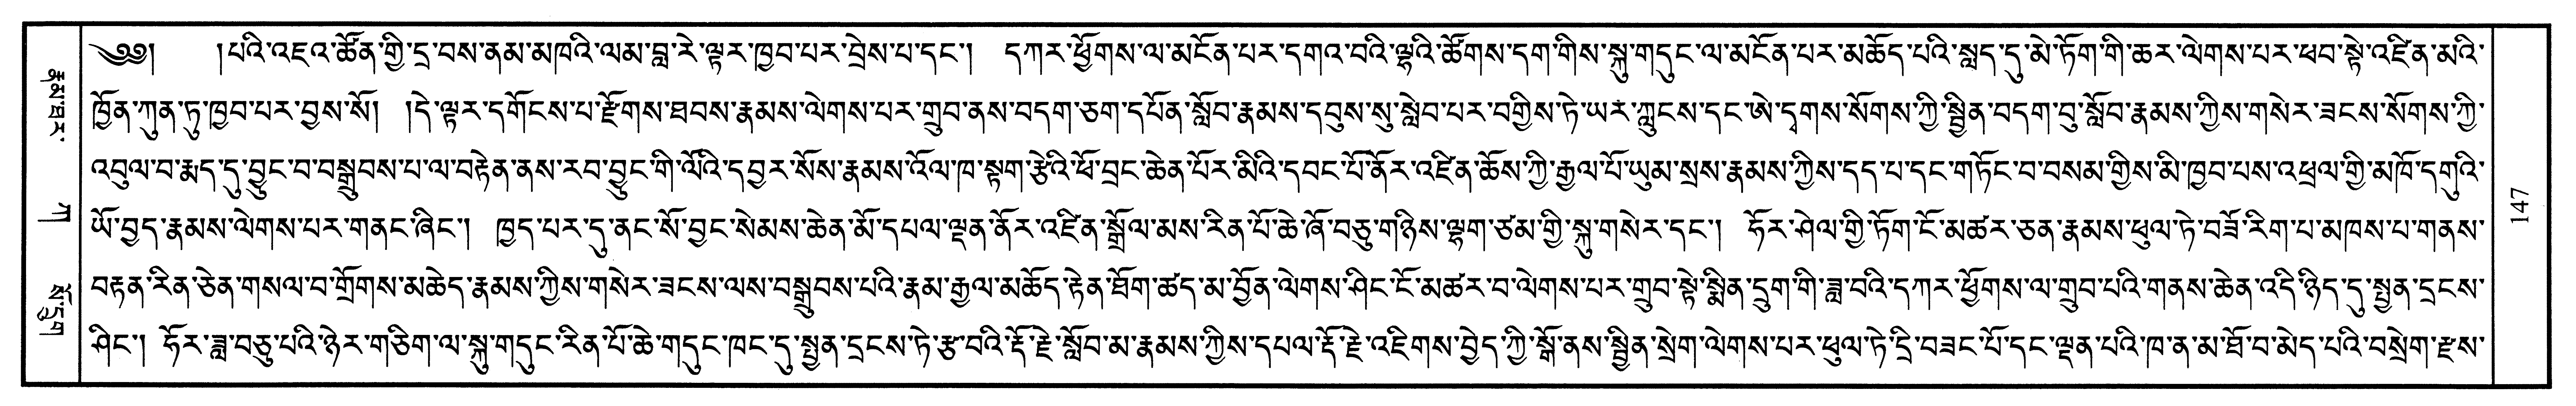༄༅། །པའི་འཇའ་ཚོན་གྱི་དྲ་བས་ནམ་མཁའི་ལམ་བླ་རེ་ལྟར་ཁྱབ་པར་བྲེས་པ་དང་། དཀར་ཕྱོགས་ལ་མངོན་པར་དགའ་བའི་ལྷའི་ཚོགས་དག་གིས་སྐུ་གདུང་ལ་མངོན་པར་མཆོད་པའི་སླད་དུ་མེ་ཏོག་གི་ཆར་ལེགས་པར་ཕབ་སྟེ་འཛིན་མའི་
ཁྱོན་ཀུན་ཏུ་ཁྱབ་པར་བྱས་སོ། །དེ་ལྟར་དགོངས་པ་རྫོགས་ཐབས་རྣམས་ལེགས་པར་གྲུབ་ནས་བདག་ཅག་དཔོན་སློབ་རྣམས་དབུས་སུ་སླེབ་པར་བགྱིས་ཏེ་ཡར་ཀླུངས་དང་ཨེ་དྭགས་སོགས་ཀྱི་སྦྱིན་བདག་བུ་སློབ་རྣམས་ཀྱིས་གསེར་ཟངས་སོགས་ཀྱི་
འབུལ་བ་རྨད་དུ་བྱུང་བ་བསྒྲུབས་པ་ལ་བརྟེན་ནས་རབ་བྱུང་གི་ལོའི་དབྱར་སོས་རྣམས་འོལ་ཁ་སྟག་རྩེའི་ཕོ་བྲང་ཆེན་པོར་མིའི་དབང་པོ་ནོར་འཛིན་ཆོས་ཀྱི་རྒྱལ་པོ་ཡུམ་སྲས་རྣམས་ཀྱིས་དད་པ་དང་གཏོང་བ་བསམ་གྱིས་མི་ཁྱབ་པས་འཕྲལ་གྱི་མཁོ་དགུའི་
ཡོ་བྱད་རྣམས་ལེགས་པར་གནང་ཞིང་། ཁྱད་པར་དུ་ནང་སོ་བྱང་སེམས་ཆེན་མོ་དཔལ་ལྡན་ནོར་འཛིན་སྒྲོལ་མས་རིན་པོ་ཆེ་ཞོ་བཅུ་གཉིས་ལྷག་ཙམ་གྱི་སྐུ་གསེར་དང་། ཧོར་ཤེལ་གྱི་ཏོག་ངོ་མཚར་ཅན་རྣམས་ཕུལ་ཏེ་བཟོ་རིག་པ་མཁས་པ་གནས་
བརྟན་རིན་ཅེན་གསལ་བ་གྲོགས་མཆེད་རྣམས་ཀྱིས་གསེར་ཟངས་ལས་བསྒྲུབས་པའི་རྣམ་རྒྱལ་མཆོད་རྟེན་ཐོག་ཚད་མ་བྱོན་ལེགས་ཤིང་ངོ་མཚར་བ་ལེགས་པར་གྲུབ་སྟེ་སྨིན་དྲུག་གི་ཟླ་བའི་དཀར་ཕྱོགས་ལ་གྲུབ་པའི་གནས་ཆེན་འདི་ཉིད་དུ་སྤྱན་དྲངས་
ཤིང་། ཧོར་ཟླ་བཅུ་པའི་ཉེར་གཅིག་ལ་སྐུ་གདུང་རིན་པོ་ཆེ་གདུང་ཁང་དུ་སྤྱན་དྲངས་ཏེ་རྩ་བའི་རྡོ་རྗེ་སློབ་མ་རྣམས་ཀྱིས་དཔལ་རྡོ་རྗེ་འཇིགས་བྱེད་ཀྱི་སྒོ་ནས་སྦྱིན་སྲེག་ལེགས་པར་ཕུལ་ཏེ་དྲི་བཟང་པོ་དང་ལྡན་པའི་ཁ་ན་མ་ཐོ་བ་མེད་པའི་བསྲེག་རྫས་